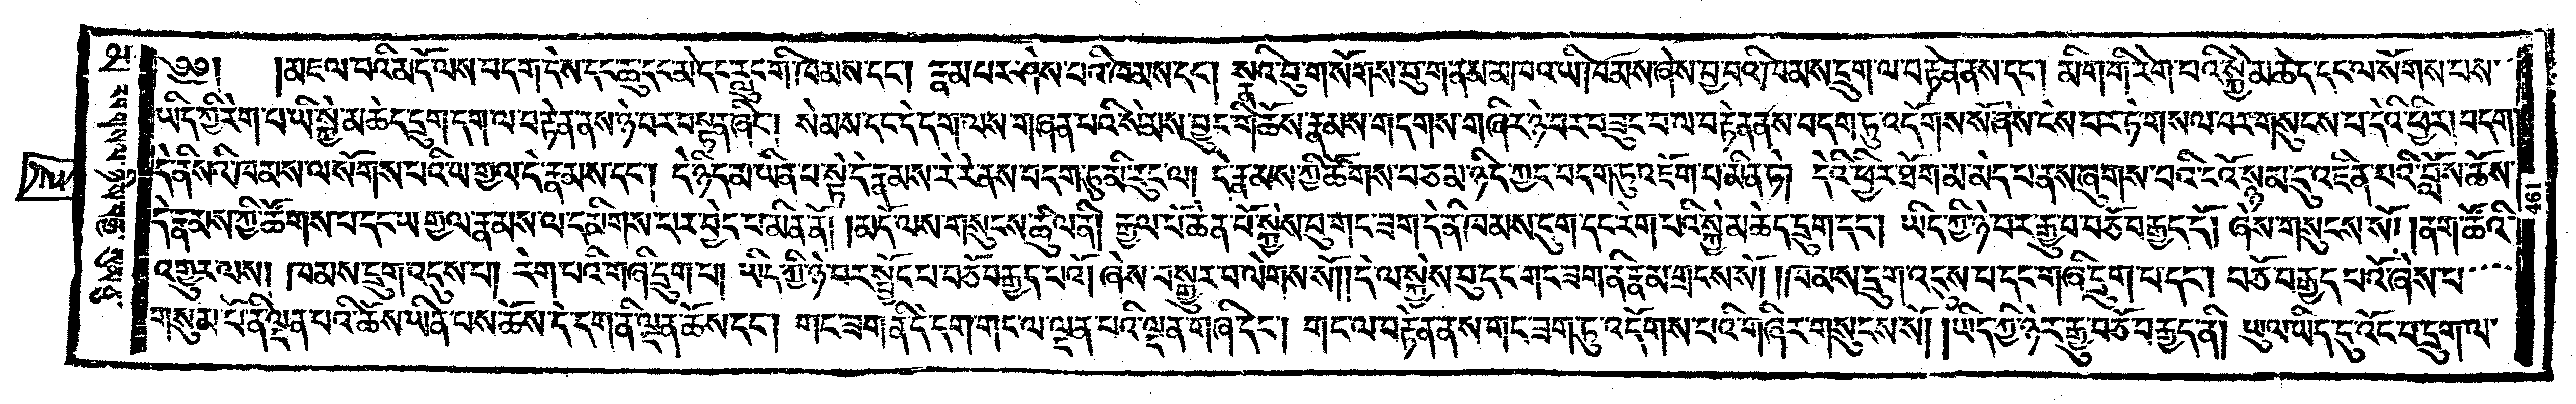༄༅། །མཇལ་བའི་མདོ་ལས་བདག་དེ་ས་དང་ཆུ་དང་མེ་དང་རླུང་གི་ཁམས་དང་། རྣམ་པར་ཤེས་པའི་ཁམས་དང་། སྣའི་བུ་ག་སོགས་བུ་ག་ནམ་མཁའ་ཡི་ཁམས་ཞེས་བྱ་བའི་ཁམས་དྲུག་ལ་བརྟེན་ནས་དང་། མིག་གི་རེག་པའི་སྐྱེ་མཆེད་དང་ལ་སོགས་པས་
ཡིད་ཀྱི་རེག་པ་ཡི་སྐྱེ་མཆེད་དྲུག་དག་ལ་བརྟེན་ནས་ཉེ་བར་བསྟན་ཞིང་། སེམས་དང་དེ་དག་ལས་གཞན་པའི་སེམས་བྱུང་གི་ཆོས་རྣམས་གདགས་གཞིར་ཉེ་བར་བཟུང་བ་ལ་བརྟེན་ནས་བདག་ཏུ་འདོགས་སོ་ཞེས་ངེས་པར་ཏེ་གསལ་བར་གསུངས་པ་དེའི་ཕྱིར། བདག་
དེ་ནི་སའི་ཁམས་ལ་སོགས་པའི་ཡ་གྱལ་དེ་རྣམས་དང་། དེ་ཉིད་མ་ཡིན་པ་སྟེ་དེ་རྣམས་རེ་རེ་ནས་བདག་ཏུ་མི་རུང་ལ། དེ་རྣམས་ཀྱི་ཚོགས་པ་ཙམ་ཉིད་ཀྱང་བདག་ཏུ་འཇོག་པ་མིན་ཏེ། དེའི་ཕྱིར་ཐོག་མ་མེད་པ་ནས་ཞུགས་པའི་ངའོ་སྙམ་དུ་འཛིན་པའི་བློས་ཆོས་
དེ་རྣམས་ཀྱི་ཚོགས་པ་དང་ཡ་གྱལ་རྣམས་ལ་དམིགས་པར་བྱེད་པ་མིན་ནོ། །མདོ་ལས་གསུངས་ཚུལ་ནི། རྒྱལ་པོ་ཆེན་པོ་སྐྱེས་བུ་གང་ཟག་དེ་ནི་ཁམས་དྲུག་དང་རེག་པའི་སྐྱེ་མཆེད་དྲུག་དང་། ཡིད་ཀྱི་ཉེ་བར་རྒྱུ་བ་བཅོ་བརྒྱད་དོ། ཞེས་གསུངས་སོ། །ནག་ཚོའི་
འགྱུར་ལས། ཁམས་དྲུག་འདུས་པ། རེག་པའི་གཞི་དྲུག་པ། ཡིད་ཀྱི་ཉེ་བར་སྤྱོད་པ་བཅོ་བརྒྱད་པའོ། ཞེས་བསྒྱུར་བ་ལེགས་སོ། །དེ་ལ་སྐྱེས་བུ་དང་གང་ཟག་ནི་རྣམ་གྲངས་སོ། །ཁམས་དྲུག་འདུས་པ་དང་གཞི་དྲུག་པ་དང་། བཅོ་བརྒྱད་པའོ་ཞེས་པ་
གསུམ་པོ་ནི་ལྡན་པའི་ཆོས་ཡིན་པས་ཆོས་དེ་དག་ནི་ལྡན་ཆོས་དང་། གང་ཟག་ནི་དེ་དག་གང་ལ་ལྡན་པའི་ལྡན་གཞི་དང་། གང་ལ་བརྟེན་ནས་གང་ཟག་ཏུ་འདོགས་པའི་གཞིར་གསུངས་སོ། །ཡིད་ཀྱི་ཉེར་རྒྱུ་བཅོ་བརྒྱད་ནི། ཡུལ་ཡིད་དུ་འོང་བ་དྲུག་ལ་